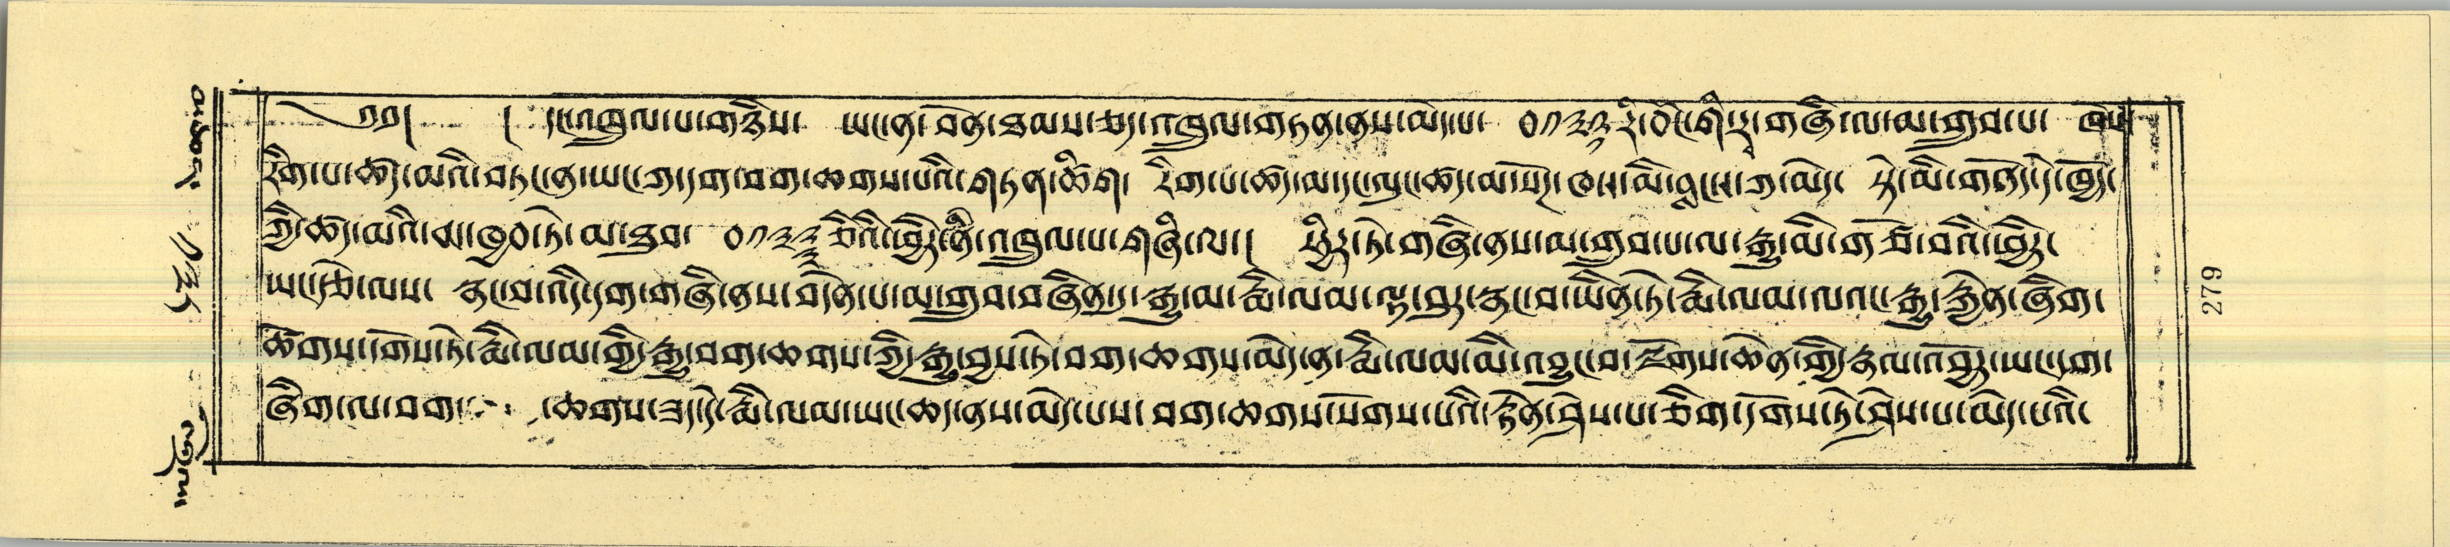དང་འཁྲུལ་པ་གཉིས། ༼ཡང་ན་༽བོན་ཐམས་ཅད་འཁྲུལ་གཏན་ནས་མེད་པ་བ༡༣༢།༡ ༼རི་བོང་གི་རྭ་༽གཞི་ལ་མ་གྲུབ་པ། ཁས་
རིག་པ་ཚད་མའི་བཏང་ན་ཡང་ཀ་དག་བག་ཆགས་པའི་ ༼གཏན་ཚིག་༽རིག་པ་ཚད་མ་དང་ལུང་ཚད་མ་སོགས་ ༼ཁས་༽མི་བླངས་ཀ་མེད་སྟེ་མི་གནོད་དེ་ཁྱོད་
ཀྱི་ཚད་མའི་ ༼མ་ཁྱབ་༽ཏེ་མ་ཐུབ་བ༡༣༢།༣ ཅིའི་ཕྱིར་ཞེ་ན་འཁྲུལ་པ་ ༼གཞི་ལ་༽ ༼ཕྱིར་ཏེ་༽གཞི་ནས་མ་གྲུབ་པ་ལ་རྒྱུ་མི་གཙོ་བའི་ཕྱིར་
ཡང་རྩེ་ལས། སྣང་བ་འདི་དག་གཞི་ནས་བདེན་པ་མ་གྲུབ་བཞིན་དུ་སྒྱུ་མ་རྨི་ལམ་ལྟ་བུར་སྣང་བ་ཡིན་ཏེ་རྨི་ལམ་ལའང་རྒྱུ་རྐྱེན་ཞིག་
ཚོགས་དགོས་ཏེ་རྨི་ལམ་གྱི་རྒྱུ་བག་ཆགས་ཀྱི་རྒྱུ་བྱས་ཏེ་བག་ཆགས་མེད་ན་རྨི་ལམ་མི་འབྱུང་བ་སྫོགས་ཆེན་གྱི་རྣལ་འབྱོར་ཡང་དག་
ཞིག་ལ་བག་ཆགས་ཟད་དེ་རྨི་ལམ་ཡང་ཆད་ནས་མེད་པས་བག་ཆགས་སོགས་པའི་རྟེན་ཤེས་པ་ཅིག་དགོས་ཏེ་ཤེས་པ་མེད་པའི་